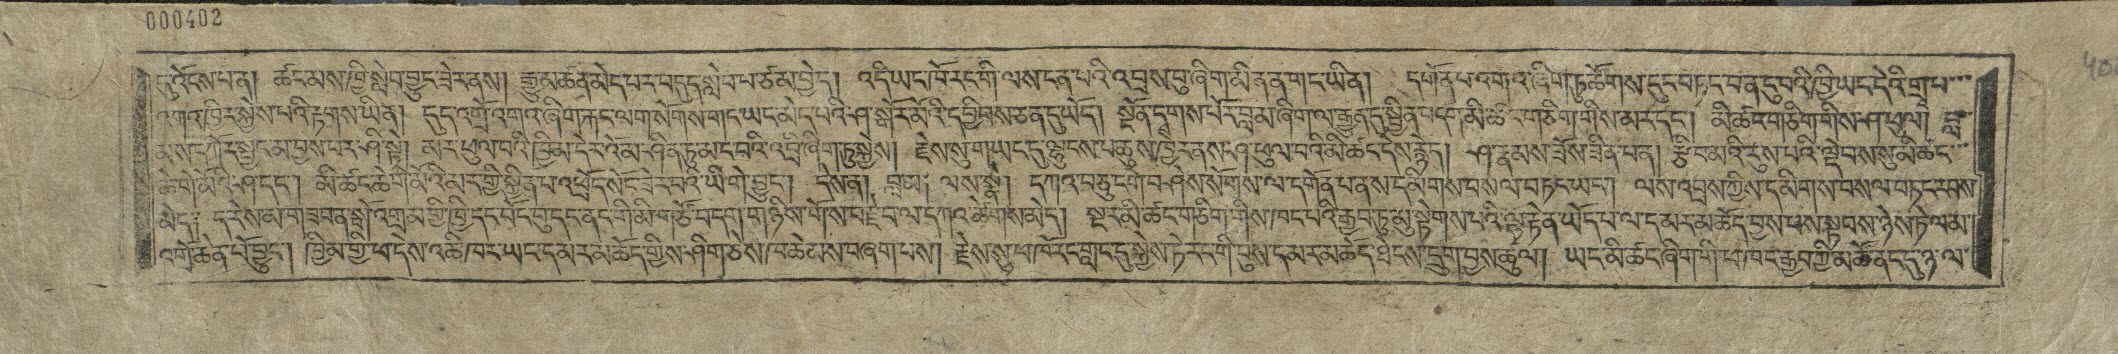དུ་འོངས་པ་ན། ཚང་མས་ཁྱི་སླེབ་བྱུང་ཟེར་ནས། རྒྱུ་མཚན་མེད་པར་བདུད་སླེབ་པ་ཙམ་བྱེད། འདི་ཡང་ཁོ་རང་གི་ལས་ངན་པའི་འབྲས་བུ་ཞིག་མིན་ན་གང་ཡིན། དགོན་པ་འགའ་ཞིག་ཏུ་ཚོགས་དུང་བཏང་བ་ན་ངུ་བའི་ཁྱི་ཡང་དེའི་གྲྭ་པ་
འགའ་ཁྱིར་སྐྱེས་པའི་རྟགས་ཡིན། དུད་འགྲོ་འགའ་ཞིག་རྐང་ལག་སོགས་གང་ཡང་མེད་པའི་ཤ་སྒོར་མོའི་དབྱིབས་ཅན་དུ་ཡོད། སྔོན་དྭགས་པོར་བླ་མ་ཞིག་ལ་རྒྱུན་དུ་སྦྱིན་བདག་མི་ཚང་གཅིག་གིས་མར་དང་། མི་ཚང་གཅིག་གིས་ཤ་ཕུལ། བླ་
མས་དཀོར་སྦྱང་མ་བྱས་པར་ཤི་སྟེ། མར་ཕུལ་བའི་ཁྱིམ་དེར་འོ་མ་ཤིན་ཏུ་མང་བའི་འབྲི་ཞིག་ཏུ་སྐྱེས། རྗེས་སུ་གཡང་དུ་ལྷུངས་པ་ཆུས་ཁྱེར་ནས་ཤ་ཕུལ་བའི་མི་ཚང་དེས་རྙེད། ཤ་རྣམས་ཟོས་ཟིན་པ་ན། རྩིབ་མའི་རུས་པའི་ལྡེབས་སུ་མི་ཚང་
ཆེ་གེ་མོའི་ཤ་དང་། མི་ཚང་ཆེ་གེ་མོའི་མར་གྱི་སྐྱིན་པ་འཕྲོད་སོང་ཟེར་བའི་ཡི་གེ་བྱུང་། དེས་ན། བླ་མ། ལས་སྣེ། དཀའ་བཅུ་དགེ་བཤེས་སོགས་ལ་དགོན་པ་ནས་དམིགས་བསལ་བཏང་ཡང་། ལས་འབྲས་ཀྱིས་དམིགས་བསལ་བཏང་རབས་
མེད༑ ད་རེས་མ་གཟབ་ན་སྒོ་འགྲམ་གྱི་ཁྱི་དང་བོང་བུ་དང་ནང་གི་མི་གཙོ་བདག་གཉིས་གོ་ས་བརྗེ་བ་ལ་དཀའ་ཚེགས་མེད། སྔར་མི་ཚང་གཅིག་གིས་ཁང་པའི་རྒྱབ་ཏུ་མུ་སྟེགས་པའི་ལྷ་རྟེན་ཡོད་པ་ལ་དམར་མཆོད་བྱས་པས་སྟབས་ཉེས་ཏེ་ལམ་
འགྲོ་ཆེན་པོ་བྱུང་། ཁྱིམ་གྱི་ཕ་དེས་འཆི་ཁར་ཡང་དམར་མཆོད་གྱིས་ཤིག་ཅེས་ཁ་ཆེམས་བཞག་པས། རྗེས་སུ་ཕ་ཁོ་རང་གླང་དུ་སྐྱེས་ཏེ་རང་གི་བུས་དམར་མཆོད་ཐེངས་དྲུག་བྱས་ཚུལ། ཡང་མི་ཚང་ཞིག་གི་ཕ་ཁང་རྒྱབ་ཀྱི་མཚོ་ནང་དུ་ཉ་ལ་